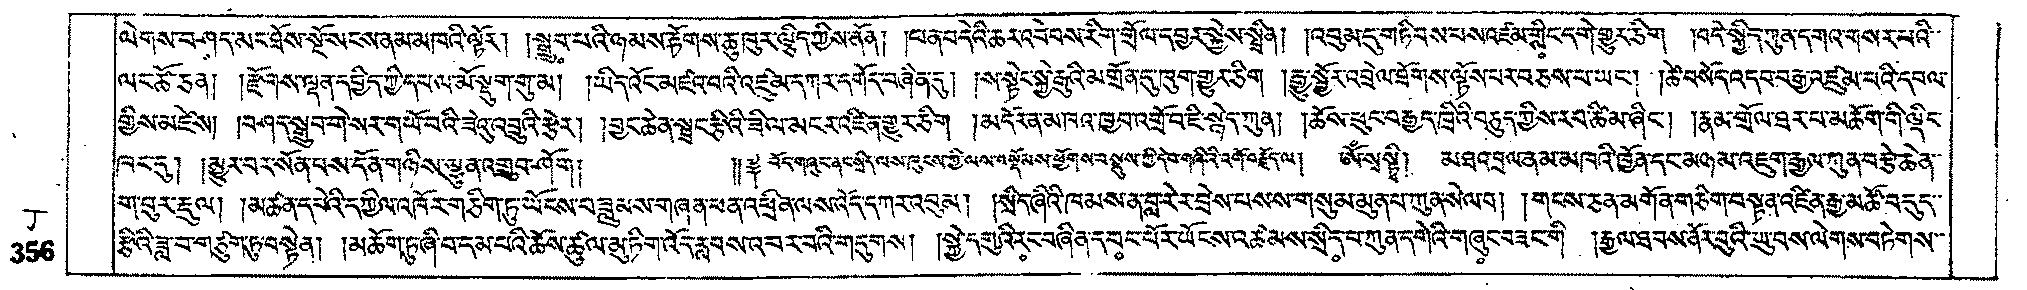ལེགས་བཤད྾་མང་ཐོས་སྔོ་སངས་ནམ་མཁའི་ལྟོར། །སྒྲུབ྾་པའི་ཉམས་རྟོགས་ཆུ་ཁུར་ལྕིད་ཀྱིས་ནོན། །ཕན་བདེའི་ཆར་འབེབས་རིག་གྲོལ་དབྱར་སྐྱེས་སྤྲིན། །འབུམ་དུ་གཏིབས་པས་འཛམ་གླིང྾་དགེ་གྱུར་ཅིག །བདེ་སྐྱིད་ཀུན་དགའ་གསར་པའི་་་
ལང་ཚོ་ཅན། །རྫོགས་ལྡན་དབྱིད་ཀྱི་དཔལ་མོ་སྡུག་གུ་མ། །ཡིད་འོང་མཛའ་བའི་འཛུམ་དཀར་དགོད་བཞིན་དུ། །ས་སྟེང་སྐྱེ་རྒུའི་མགྲོན་དུ་ཁུག་གྱུར་ཅིག །རྒྱུ་སྦྱོར་འབྲེལ་ཐོགས་ལྟོས་པར་བཅས་པ་ཡང་། །ཚེ་བསོད་འདབ་བརྒྱ་འཛུམ་པའི་དཔལ་
གྱིས་མཛེས། །བཤད་སྒྲུབ་གེ་སར་གཡོ་བའི་ཟེའུ་འབྲུའི་རྩེར། །བྱང་ཆེན་སྦྲང་རྩིའི་ཟིལ་མངར་འཛིན་གྱུར་ཅིག །མདོར་ན་མཁའ་ཁྱབ་འགྲོ་བ་ཇི་སྙེད་ཀུན། །ཆོས་ཕུང་བརྒྱད་ཁྲིའི་བཅུད་ཀྱིས་རབ་ཚིམ་ཞིང་། །རྣམ་གྲོལ་ཐར་པ་མཆོག་གི་ལྡིང་
ཁང་དུ། །མྱུར་བར་སོན་པས་དོན་གཉིས་ལྷུན་འགྲུབ་ཤོག། །།འ་བོད་གཞུང་ནང་སྲིད་ལས་ཁུངས་ཀྱི་ལས་བསྡོམས་ཕྱོགས་བསྡུས་ཀྱི་དེབ་གཞིའི་འགོ་བརྗོད་ལ།  ཨོཾ་སྭསྟྭི། མཐའ་བྲལ་ནམ་མཁའི་ཁྱོན་དང་མཉམ་འཇུག་རྒྱལ་ཀུན་བརྩེ་ཆེན་་་
ག་བུར་རྡུལ། །མཚན་དཔེའི་དཀྱིལ་འཁོར་གཅིག་ཏུ་ཡོངས་བཟླུམས་གཞན་ཕན་འཕྲིན་ལས་འོད་དཀར་འབུམ། །སྲིད་ཞིའི་ཁམས་ན་བླ་རེར་བྲེས་པས་ས་གསུམ་མུན་པ་ཀུན་སེལ་བ། །གངས་ཅན་མགོན་གཅིག་བསྟན་འཛིན་རྒྱ་མཚོ་བདུད་་་
རྩིའི་ཟླ་བ་གཙུག་ཏུ་བསྟེན། །མཆོག་ཏུ་ཞི་བ་དམ་པའི་ཆོས་ཚུལ་མུ་ཏིག་འོད་རླབས་འབར་བའི་གདུགས། །སྐྱེ་དགུའི་རང྾་བཞིན་དབང྾་པོར་ཡོངས་འཚམས་སྲིད྾་པ་ཀུན་དགེའི་གཞུང྾་བཟང་གི །རྒྱལ་ཐབས་ནོར་བུའི་ཡུ་བས་ལེགས་བཏེགས་་་